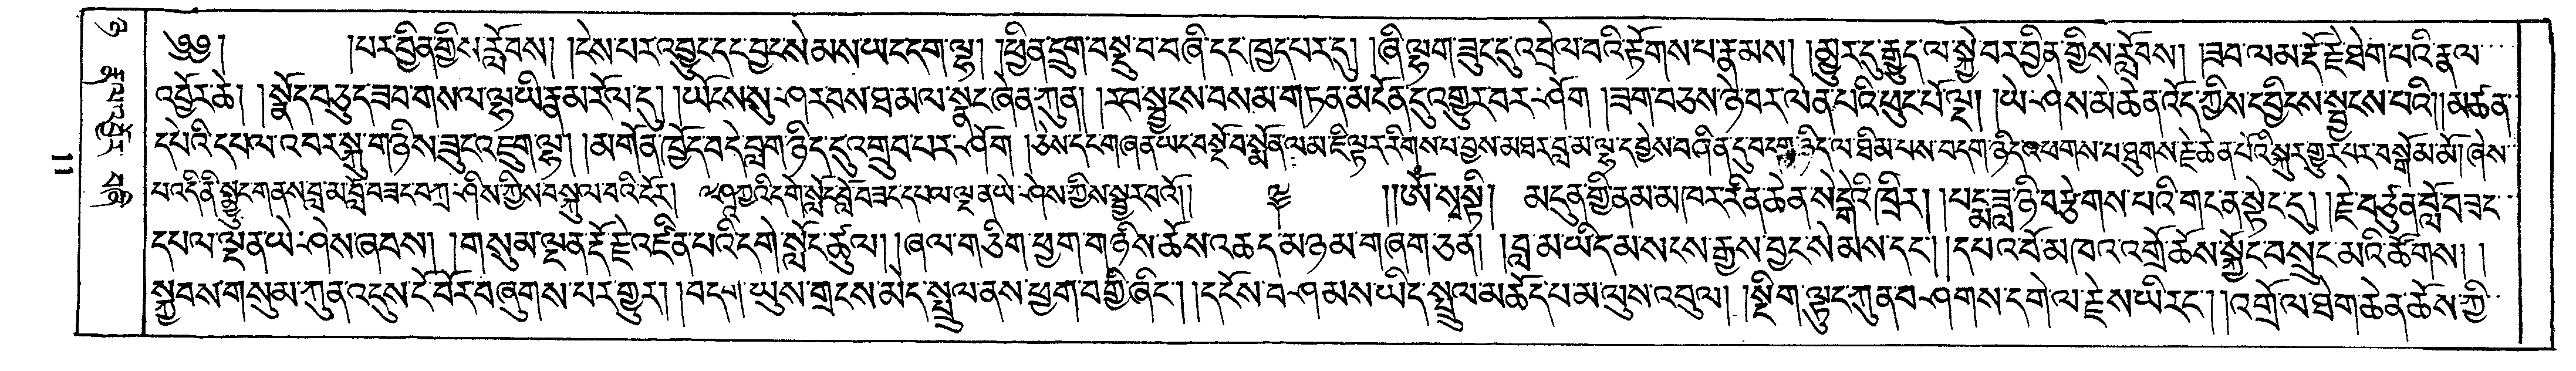༄༅། །པར་བྱིན་གྱིས་རློབས། །ངེས་པར་འབྱུང་དང་བྱང་སེམས་ཡང་དག་ལྟ། །ཕྱིན་དྲུག་བསྡུབ་བཞི་དང་ཁྱད་པར་དུ། །ཞི་ལྷག་ཟུང་དུ་འབྲེལ་བའི་རྟོགས་པ་རྣམས། །མྱུར་དུ་རྒྱུད་ལ་སྐྱེ་བར་བྱིན་གྱིས་རློབས། །ཟབ་ལམ་རྡོ་རྗེ་ཐེག་པའི་རྣལ་
འབྱོར་ཆེ། །སྣོད་བཅུད་ཟབ་གསལ་ལྷ་ཡི་རྣམ་རོལ་དུ། །ཡོངས་སུ་ཤར་བས་ཐ་མལ་སྣང་ཞེན་ཀུན། །རབ་སྦྱངས་བསམ་གཏན་མངོན་དུ་འགྱུར་བར་ཤོག །ཟག་བཅས་ཉེ་བར་ལེན་པའི་ཕུང་པོ་ལྔ། །ཡེ་ཤེས་མེ་ཆེན་འོད་ཀྱིས་དབྱིངས་སྦྱངས་པའི། །མཚན་
དཔའི་དཔལ་འབར་སྐུ་གཉིས་ཟུང་འཇུག་ལྷ། །མགོན་ཁྱོད་བདེ་བླག་ཉིད་དུ་འགྲུབ་པར་ཤོག །ཅེས་དང་གཞན་ཡང་བསྔོ་བ་སྨོན་ལམ་ཇི་ལྟར་རིགས་བ་བྱས་མཐར་བླ་མ་ལྷ་དགྱེས་བཞིན་དུ་བདག་ཉིད་ལ་ཐིམ་པས་བདག་ཉིད་འཕགས་པ་ཐུགས་རྗེ་ཆེན་པོའི་སྐུར་གྱུར་པར་བསྒོམ་མོ། ཞེས་
པ་འདི་ནི་སྨྱུང་གནས་བླ་མ་བློ་བཟང་བཀྲ་ཤིས་ཀྱིས་བསྐུལ་བའི་ངོར། ༧ཤཱཀྱའི་དགེ་སློང་བློ་བཟང་དཔལ་ལྡན་ཡེ་ཤེས་ཀྱིས་སྦྱར་བའོ།། ༈ །།ཨོཾ་སྭསྟི། མདུན་གྱི་ནམ་མཁར་རིན་ཆེན་སེངྒེའི་ཁྲིར། །པདམ་ཟླ་ཉི་བརྩེགས་པའི་གདན་སྟེང་དུ། །རྗེ་བཙུན་བློ་བཟང་
དཔལ་ལྡན་ཡེ་ཤེས་ཞབས། །གསུམ་ལྡན་རྡོ་རྗེ་འཛིན་པའི་དགེ་སློང་ཚུལ། །ཞལ་གཅིག་ཕྱག་གཉིས་ཆོས་འཆད་མཉམ་གཞག་ཅན། །བླ་མ་ཡི་དམ་སངས་རྒྱས་བྱང་སེམས་དང་། །དཔའ་བོ་མཁའ་འགྲོ་ཆོས་སྐྱོང་བསྲུང་མའི་ཚོགས། །
སྐྱབས་གསུམ་ཀུན་འདུས་ངོ་བོར་བཞུགས་པར་གྱུར། །བདག་ལུས་གྲངས་མེད་སྤྲུལ་ནས་ཕྱག་བགྱི་ཞིང་། །དངོས་བཤམས་ཡིད་སྤྲུལ་མཆོད་པ་མ་ལུས་འབུལ། །སྡིག་ལྟུང་ཀུན་བཤགས་དགེ་ལ་རྗེས་ཡི་རང་། །འགྲོ་ལ་ཐེག་ཆེན་ཆོས་ཀྱི་